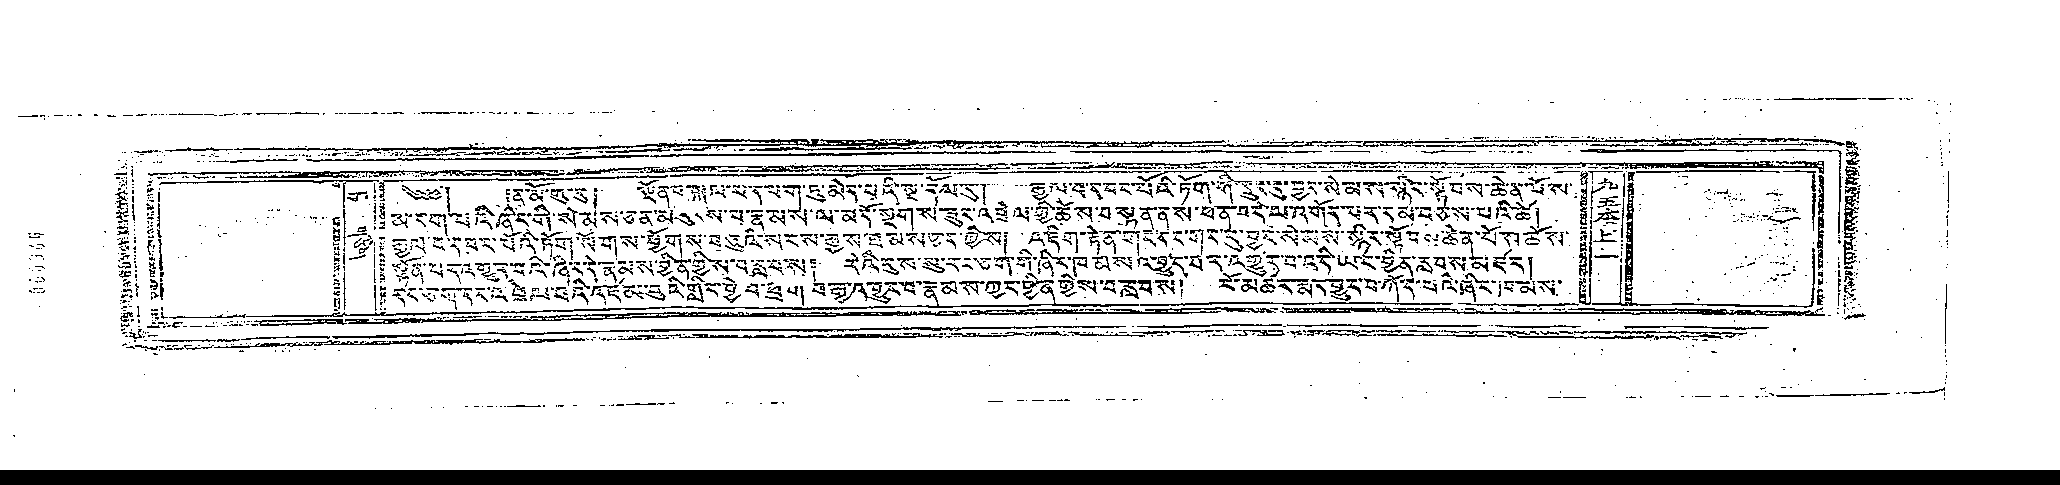༄༅༅། །ན་མོ་གུ་རུ། སྔོན་བསྐལ་པ་དཔག་ཏུ་མེད་པའི་སྔ་རོལ་དུ། རྒྱལ་དབང་པོའི་ཏོག་གི་དྲུང་དུ་བྱང་སེམས་སྙིང་སྟོབས་ཆེན་པོས་
མ་དག་པའི་ཞིང་གི་སེམས་ཅན་མ་རུངས་པ་རྣམས་ལ་མདོ་སྔགས་ཟུང་འབྲེལ་གྱི་ཆོས་བསྟན་ནས་ཕན་བདེ་ལ་འགོད་པར་དམ་བཅས་པའི་ཚེ།
རྒྱལ་བ་དབང་པོའི་ཏོག་སོགས་ཕྱོགས་བཅུའི་སངས་རྒྱས་ཐམས་ཅད་ཀྱིས། འཇིག་རྟེན་གང་དང་གང་དུ་བྱང་སེམས་སྙིང་སྟོབས་ཆེན་པོས་ཆོས་
སྟོན་པར་འགྱུར་བའི་ཞིང་དེ་རྣམས་བྱིན་གྱིས་བརླབས། དེའི་དུས་སུ་རང་ཅག་གི་ཞིང་ཁམས་འབྱུང་བར་འགྱུར་བ་འདི་ཡང་བྱིན་རླབས་མཛད།
རང་ཅག་དང་འབྲེལ་བའི་འཛམ་བུའི་གླིང་བྱེ་བ་ཕྲག་བརྒྱ་འབྱུང་བ་རྣམས་ཀྱང་བྱིན་གྱིས་བརླབས། ངོ་མཚར་རྨད་བྱུང་བཀོད་པའི་ཞིང་ཁམས་